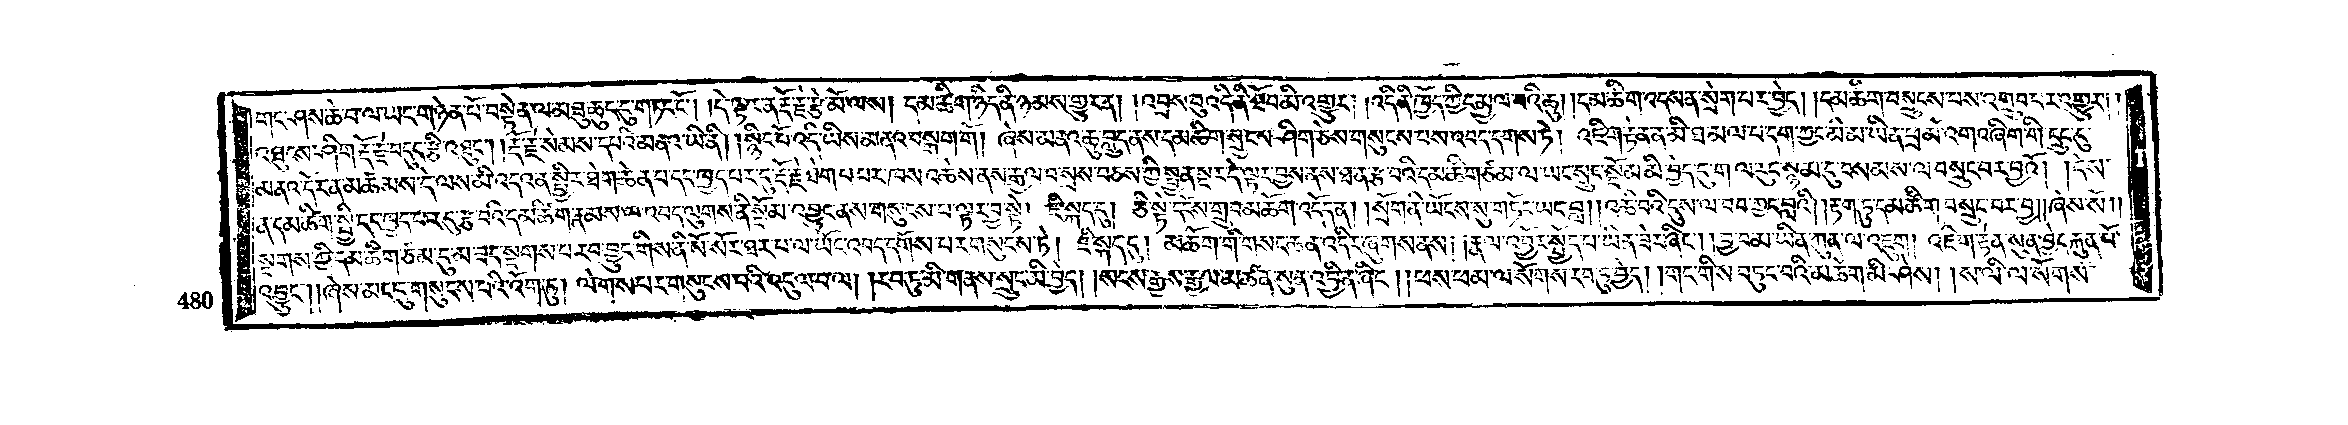གང་ཤས་ཆེ་བ་ལ་ཡང་གཉེན་པོ་བསྟེན་ལ་མཐུ་ཆུང་དུ་གཏང་ངོ། །དེ་ལྟར་ན་རྡོ་རྗེ་རྩེ་མོ་ལས། དམ་ཚིག་ཉིད་ནི་ཉམས་གྱུར་ན། །འབྲས་བུ་འདི་ནི་ཐོབ་མི་འགྱུར། །འདི་ནི་ཁྱོད་ཀྱི་དམྱལ་བའི་ཆུ། །དམ་ཚིག་འདས་ན་སྲེག་པར་བྱེད། །དམ་ཚིག་བསྲུངས་པས་འགྲུབ་པར་འགྱུར།།
འཐུངས་ཤིག་རྡོ་རྗེ་བདུད་རྩི་འཐུང་། །རྡོ་རྗེ་སེམས་དཔའི་མནའ་ཡི་ནི། །སྙིང་པོ་འདི་ཡིས་མནའ་བསྒག་གོ། ཞེས་མནའ་ཆུ་བླུད་ནས་དམ་ཚིག་སྲུངས་ཤིག་ཅེས་གསུངས་པས་འབད་དགས་ཏེ། འཇིག་རྟེན་ན་མི་ཐ་མལ་པ་དག་ཀྱང་མི་མ་ཡིན་ཕྲ་མོ་འགའ་ཞིག་གི་དྲུང་དུ་
མནའ་དོར་ན་མཚམས་དེ་ལས་མི་འདའ་ན་སྤྱིར་ཐེག་ཆེན་པ་དང་ཁྱད་པར་དུ་རྡོ་རྗེ་ཐེག་པ་པར་ཁས་འཆེས་ནས་རྒྱལ་བ་སྲས་བཅས་ཀྱི་སྤྱན་སྔར་དེ་ལྟར་བྱས་ནས་ཐ་ན་རྩ་བའི་དམ་ཚིག་ཙམ་ལ་ཡང་སྲུང་སྡོམ་མི་བྱེད་དུ་ག་ལ་རུང་སྙམ་དུ་བསམས་ལ་བསྲུང་བར་བྱའོ། །དེས་
ན་དམ་ཚིག་སྤྱི་དང་ཁྱད་པར་དུ་རྩ་བའི་དམ་ཚིག་རྣམས་ལ་འབད་ལུགས་ནི་སྡོམ་འབྱུང་ནས་གསུངས་པ་ལྟར་བྱ་སྟེ། ཇི་སྐད་དུ། ཅི་སྟེ་དངོས་གྲུབ་མཆོག་འདོད་ན། །སྲོག་ནི་ཡོངས་སུ་གཏོང་ཡང་བླ། །འཆི་བའི་དུས་ལ་བབ་ཀྱང་བླའི། །རྟག་ཏུ་དམ་ཚིག་བསྲུང་བར་བྱ། །ཞེས་སོ།།
སྔགས་ཀྱི་དམ་ཚིག་ཙམ་དུ་མ་ཟད་སྔགས་པ་རབ་བྱུང་གིས་ནི་སོ་སོར་ཐར་པ་ལ་ཡོང་འབད་དགོས་པར་གསུངས་ཏེ། ཇི་སྐད་དུ། མཆོག་གི་གསང་ཆན་འདིར་ཞུགས་ནས། །རྣལ་འབྱོར་སྤྱོད་པ་ཡིན་ཟེར་ཞིང་། །བྱ་བ་མ་ཡིན་ཀུན་ལ་འཇུག །འཇིག་རྟེན་སུན་བྱེད་རྐུན་པོ་
འབྱུང་། །ཞེས་མང་དུ་གསུངས་པའི་འོག་ཏུ། ལེགས་པར་གསུངས་པའི་འདུལ་བ་ལ། །རབ་ཏུ་མི་གནས་སྲུང་མི་བྱེད། །སངས་རྒྱས་རྒྱལ་མཚན་སུན་འབྱིན་ཞིང་། །ཕས་ཕམ་ལ་སོགས་རབ་ཏུ་བྱེད། །གང་གིས་བཏུང་བའི་མཆོག་མི་ཤེས། །ས་ལི་ལ་སོགས་